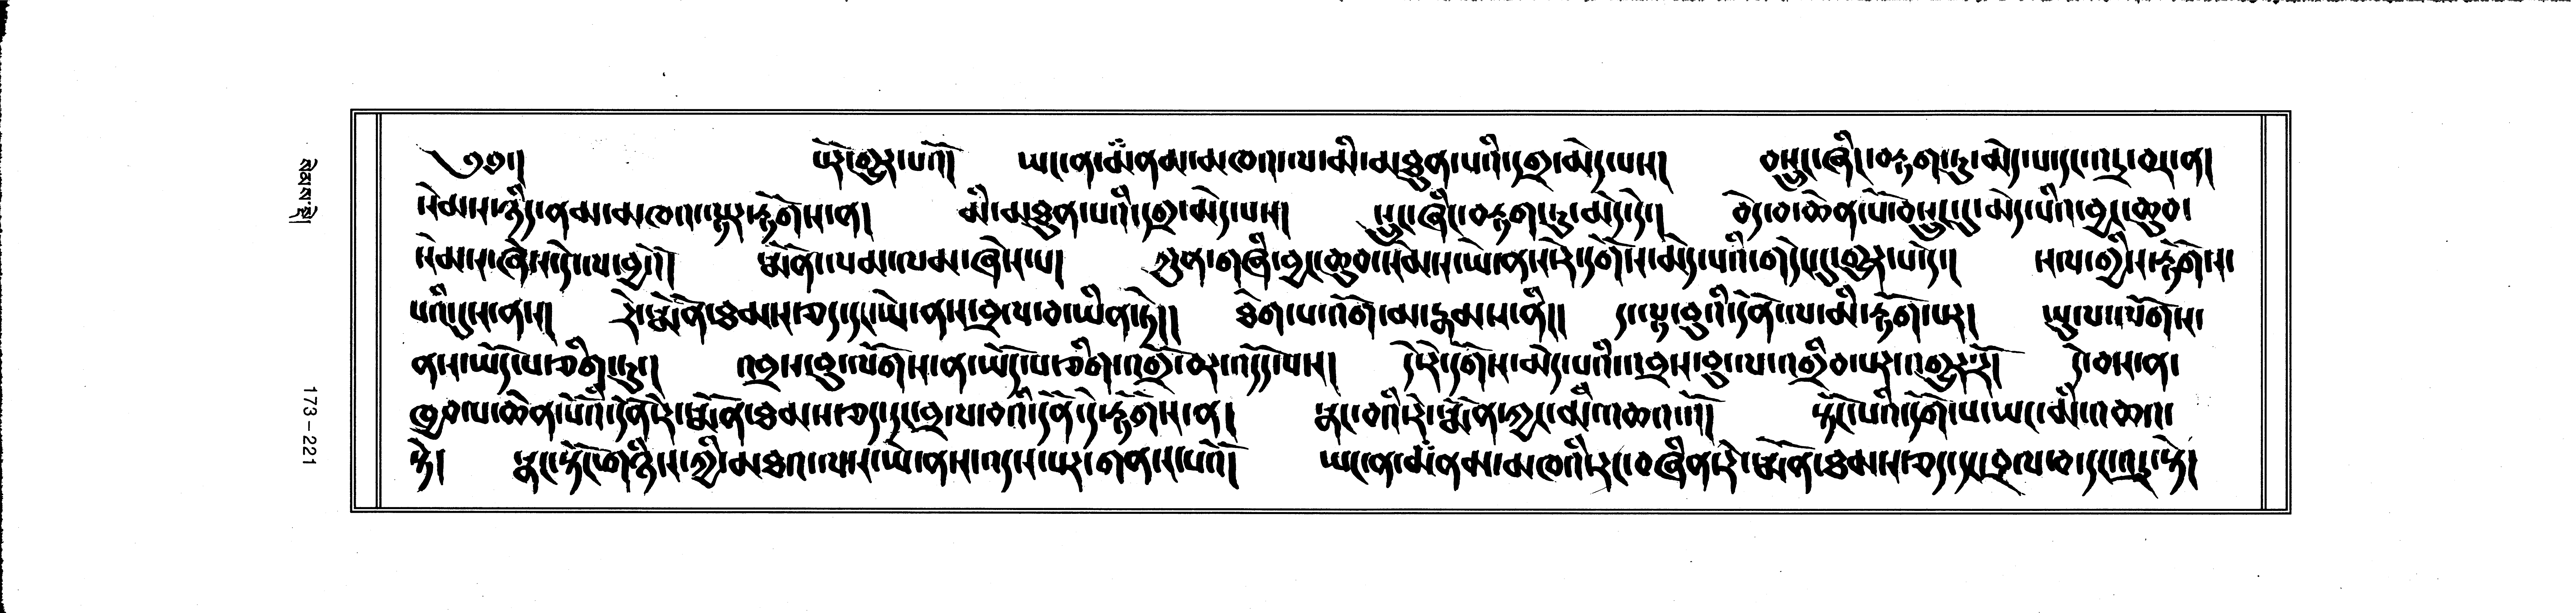པོར་གྱུར་པའོ། །ཡང་ན་ནམ་མཁའ་ལ་མི་མཐུན་པའི་དགྲ་མེད་པས། བསྲུང་ཞིང་རྟག་ཏུ་མེད་པ་དང་འདྲ་བར་ན། 
སེམས་ཉིད་ནམ་མཁའ་ལྟར་རྟོགས་ན། མི་མཐུན་པའི་དགྲ་མེད་པས། སྲུང་ཞིང་རྟག་ཏུ་མེད་དེ། བདེ་བ་ཆེན་པོ་བསྲུང་དུ་མེད་པའི་བྱང་ཆུབ་
སེམས་ཞེས་དེ་ལ་བྱའོ། །སྨོན་ལམ་ལམ་ཞེས་པ། ཀུན་གཞི་བྱང་ཆུབ་སེམས་ཡེ་ནས་རེ་དྭོགས་མེད་པའི་གདེང་དུ་གྱུར་པ་དེ། སལ་གྱིས་རྟོགས་
པའི་དུས་ནས། རེ་སྨོན་ཐམས་ཅད་དང་བྲལ་བ་ཡིན་ཏེ། ཐེག་པ་འོག་མ་རྣམས་ནི། དེ་ལྟ་བུའི་དོན་ལ་མི་རྟོག་པར། ཡུལ་ལོགས་
ནས་ཡོད་པ་ཅིག་༼ཞིག༽ཏུ། འབྲས་བུ་ལོགས་ན་ཡོད་པ་ཅིག་འགྲོ་བར་འདོད་པས། དེ་རེ་དོགས་མེད་པའི་འབྲས་བུ་ལ་འགྲིབ་པར་འགྱུར་རོ། །དེ་བས་ན་
ཁྱབ་པ་ཆེན་པོའི་དོན་རེ་སྨོན་ཐམས་ཅད་དང་བྲལ་བའི་དོན་དེ་རྟོགས་ན། སྣང་བའི་རེ་སྨོན་ཀྱང་མི་འཆའ་འོ། །སྟོང་པའི་དྭོགས་པའང་མི་འཆའ་
སྟེ། སྣང་སྟོང་གཉིས་ཀྱི་མཐའ་ལས་ཡེ་ནས་འདས་པར་གནས་པའོ། །ཡང་ན་ནམ་མཁའི་རང་བཞིན་རེ་སྨོན་ཐམས་ཅད་དང་བྲལ་བ་དང་འདྲ་སྟེ།